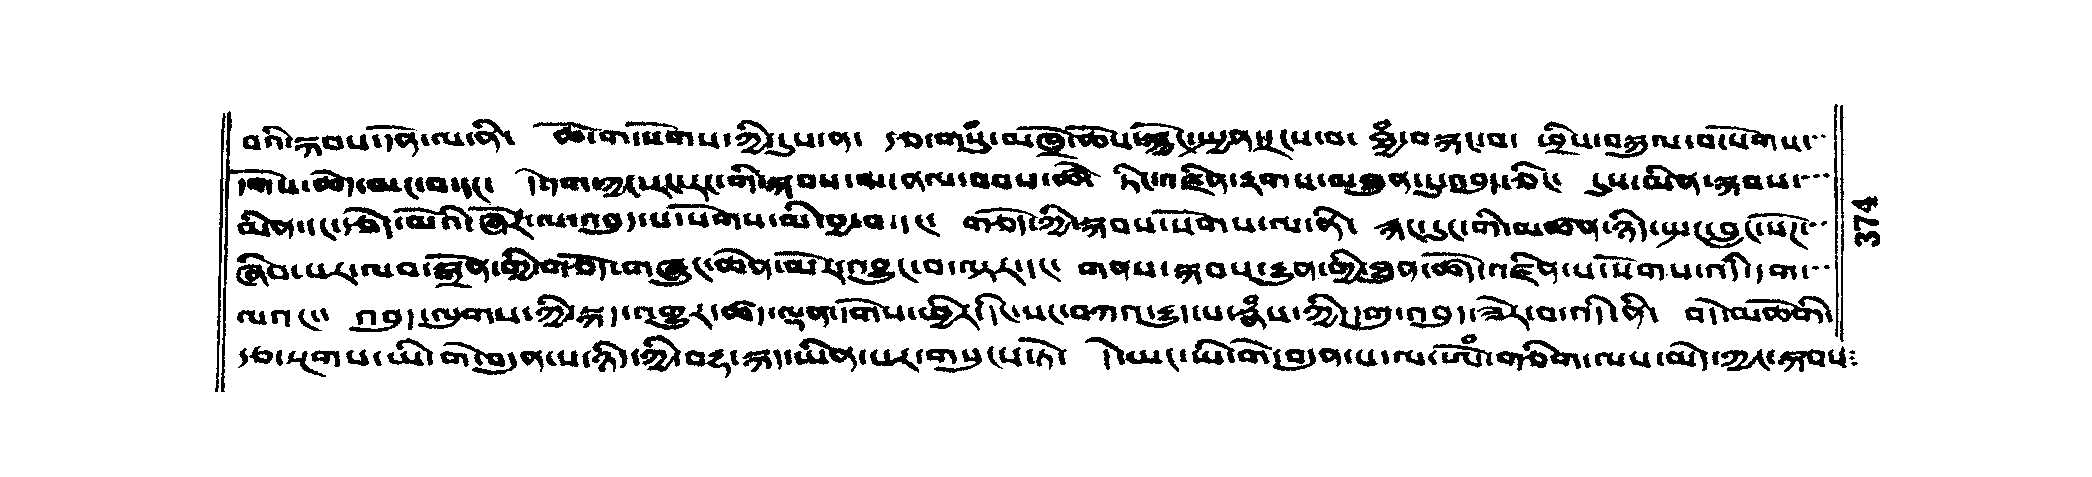བའི་སྐབས་དོན་ལ་ནི། ཆོ་ག་སོགས་ཀྱི་དུས་ན། རྩ་གསུམ་མཁའ་འགྲོ་ཆོས་སྐྱོང་སྤྱན་དྲངས་བ་ཐུགས་དམ་བསྐང་བ། ཕྲིན་ལས་བསྐུལ་བ་སོགས་
དགོས་ཆེད་མང་བ་དང་། དེ་དག་ཀྱང་རང་རང་གི་སྐབས་མ་ནལ་བབས་ཚེ། ཏིང་འཛིན་རྟགས་མཐུན་དུ་འབུད་ཅིང་། དུས་མིན་སྐབས་
མིན་དང་རྩེད་མོའི་ཞོར་ལ་འབུད་པ་སོགས་མི་བྱ་བ་དང་། གཅོད་ཀྱི་སྐབས་སོགས་ལ་ནི། རྐང་དུང་གི་མཚན་ཉིད་སྤང་བླང་སོགས་
ཞིབ་པར་ལབ་སྒྲོན་གྱི་གཅོད་གཞུང་ཆེན་མོར་འབྱུང་བ་ལྟར་དང་། གནས་སྐབས་རྒྱུན་གྱི་ཐུན་ཚོད་འཛིན་པ་སོགས་འདི་དག་
ལའང་། འབུད་ལུགས་ཀྱི་སྐད་འགྱུར་ཚད་ལྡན་དགོས་ཕྱིར་དིང་སང་བཀའ་རྒྱུད་པ་རྣམས་ཀྱི་དགུ་འབུད་ཟེར་བ་འདི་ནི། བདེ་མཆོག་གི་
རྩ་སྔགས་ཡི་གེ་བདུན་པ་ཉིད་བརྡ་སྐད་ཡིན་པར་གསུངས་ཏེ། དེ་ཡང་ཡི་གེ་བདུན་པ་ལ་ཨོཾ་གཅིག་ལས་མེད་ཀྱང་སྐབས་